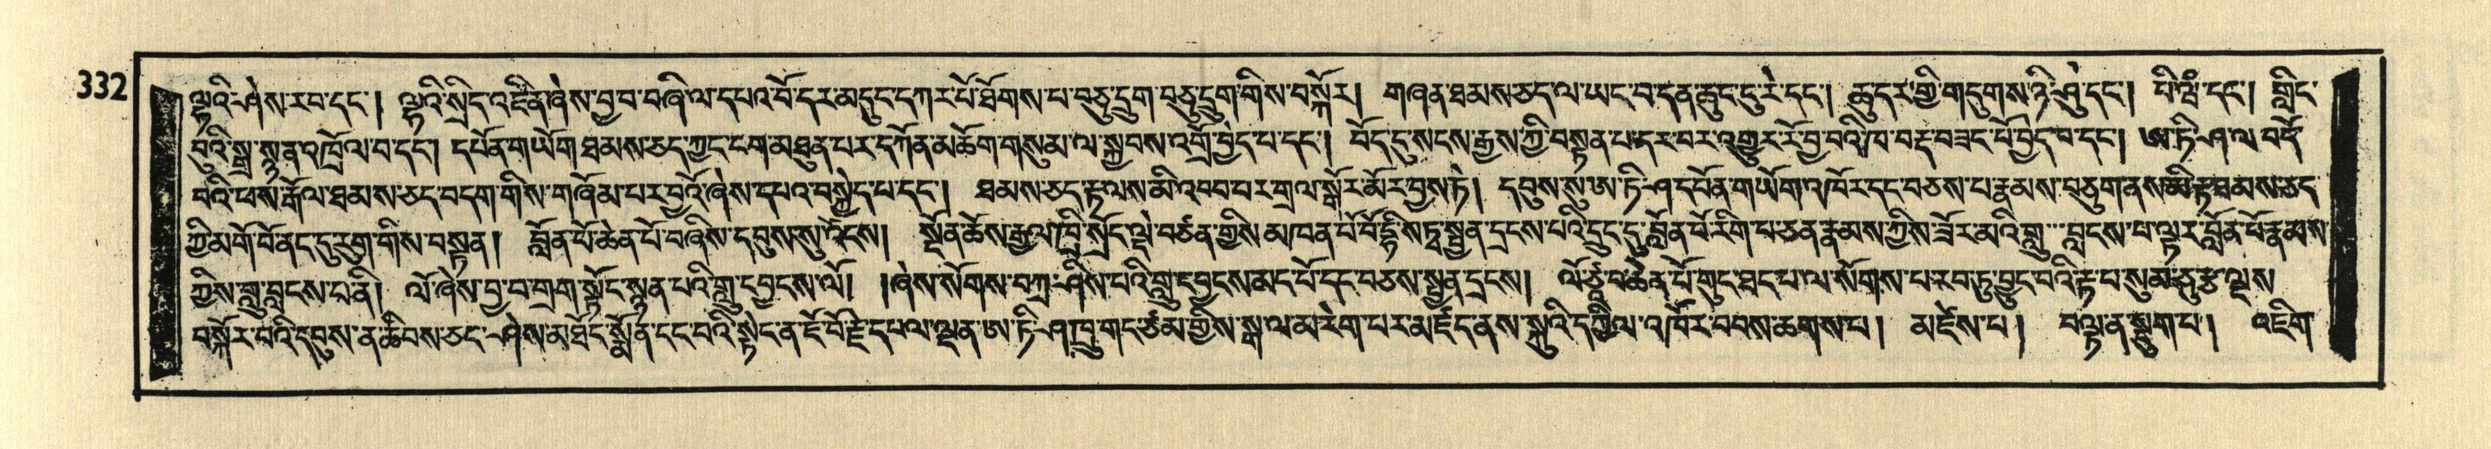ལྷའི་ཤེས་རབ་དང་། ལྷའི་སྲིད་འཛིན་ཞེས་བྱ་བ་བཞི་ལ་དཔའ་བོ་དར་མདུང་དཀར་པོ་ཐོགས་པ་བཅུ་དྲུག་བཅུ་དྲུག་གིས་བསྐོར། གཞན་ཐམས་ཅད་ལ་ཡང་བ་དན་ཆུང་དུ་རེ་དང་། ཆུ་དར་གྱི་གདུགས་ཉི་ཤུ་དང་། པི་ཝཾ་དང་། གླིང་
བུའི་སྒྲ་སྙན་འཁྲོལ་བ་དང་། དཔོན་གཡོག་ཐམས་ཅད་ཀྱང་ངག་མཐུན་པར་དཀོན་མཆོག་གསུམ་ལ་སྐྱབས་འགྲོ་བྱེད་པ་དང་། བོད་དུ་སངས་རྒྱས་ཀྱི་བསྟན་པ་དར་བར་འགྱུར་རོ་བྱ་བའི་ཁ་བརྡ་བཟང་པོ་བྱེད་བ་དང་། ཨ་ཏི་ཤ་ལ་བདོ་
བའི་ཕས་རྒོལ་ཐམས་ཅད་བདག་གིས་གཞོམ་པར་བྱའོ་ཞེས་དཔའ་བསྐྱེད་པ་དང་། ཐམས་ཅད་རྟ་ལས་མི་འབབ་པར་གྲལ་སྒོར་མོར་བྱས་ཏེ། དབུས་སུ་ཨ་ཏི་ཤ་དཔོན་གཡོག་འཁོར་དང་བཅས་པ་རྣམས་བཅུག་ནས་མི་རྟ་ཐམས་ཅད་
ཀྱི་མགོ་བོ་ནང་དུ་རུག་གིས་བསྟན། བློན་པོ་ཆེན་པོ་བཞིས་དབུས་སུ་འོངས། སྔོན་ཆོས་རྒྱལ་ཁྲི་སྲོང་ལྡེ་བཙན་གྱིས་མཁན་པོ་བོ་དྷི་སཏྭ་སྤྱན་དྲངས་པའི་དྲུང་དུ་བློན་པོ་རིག་པ་ཅན་རྣམས་ཀྱིས་ཟོར་མའི་གླུ་བླངས་པ་ལྟར་བློན་པོ་རྣམས་
ཀྱིས་བླུ་བླངས་བ་ནི། ལོ་ཞེས་བྱ་བ་གྲག་སྟོང་སྙན་པའི་གླུ་དབྱངས་ལོ། །ཞེས་སོགས་བཀྲ་ཤིས་པའི་གླུ་དབྱངས་མང་པོ་དང་བཅས་སྤྱན་དྲངས། ལོ་ཙཱ་བ་ཆེན་པོ་གུང་ཐང་པ་ལ་སོགས་པ་རབ་ཏུ་བྱུང་བའི་རྟ་པ་སུམ་ཅུ་རྩ་ལྔས་
བསྐོར་བའི་དབུས་ན་ཆིབས་ཅང་ཤེས་མཐོང་སྨོན་དང་བའི་སྟེང་ན་ཇོ་བོ་རྗེ་དཔལ་ལྡན་ཨ་ཏི་ཤ་ཁྲུ་གང་ཙམ་གྱིས་སྒ་ལ་མ་རེག་པར་མཛད་ནས་སྐུའི་དཀྱིལ་འཁོར་བབས་ཆགས་པ། མཛེས་པ། བལྟ་ན་སྡུག་པ། འཇིག་